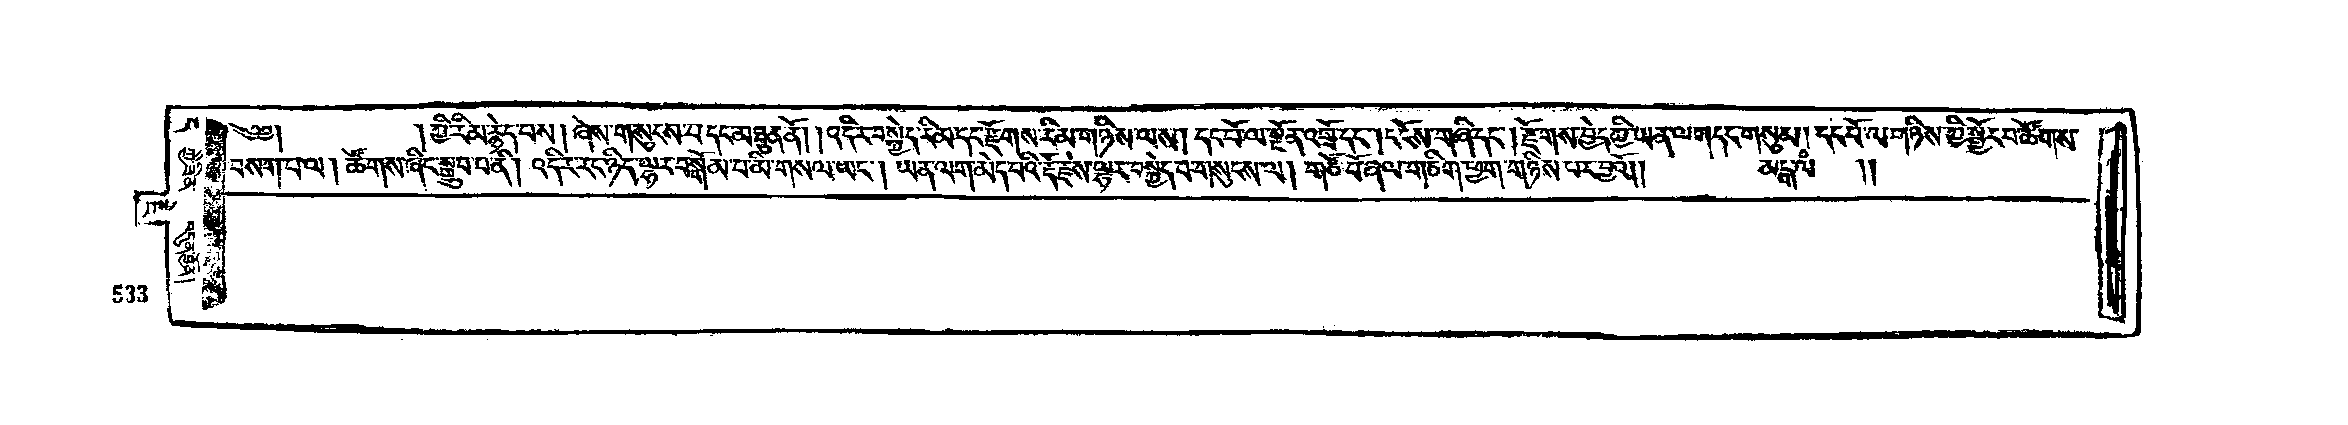༄༅། །ཀྱི་རིམ་རྙེད་པས། ཞེས་གསུངས་པ་དང་མཐུན་ནོ། །འདིར་བསྐྱེད་རིམ་དང་རྫོགས་རིམ་གཉིས་ལས། དང་པོ་ལ་སྔོན་འགྲོ་དང་། དངོས་གཞི་དང་། རྫོགས་བྱེད་ཀྱི་ཡན་ལག་དང་གསུམ། དང་པོ་ལ་གཉིས་ཀྱི་སྦྱོར་བ་ཚོགས་
བསག་པ་ལ། ཚོགས་ཞིང་སྒྲུབ་པ་ནི། འདིར་རང་ཉིད་ལྷར་བསྒོམ་པ་མི་གསལ་ཡང་། ཡན་ལག་མེད་པའི་རྡོ་རྗེས་ལྷར་བསྐྱེད་པ་གསུངས་ལ། གཙོ་བོ་ཞལ་གཅིག་ཕྱག་གཉིས་པར་བྱའོ།། མངྒ་ལཾ་།།